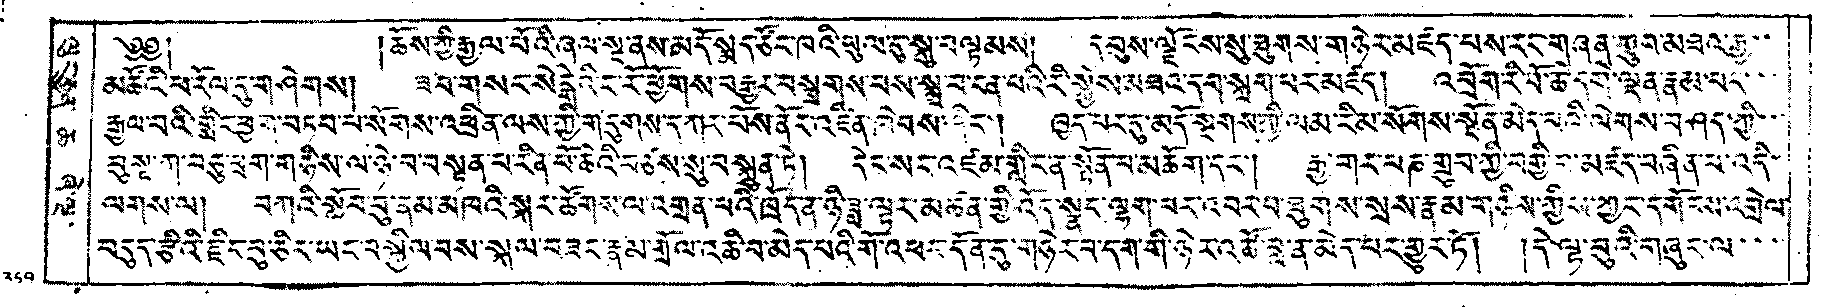༄༅། །ཆོས་ཀྱི་རྒྱལ་པོའི་ཞལ་སྔ་ནས་མདོ་སྨད་ཙོང་ཁའི་ཡུལ་དུ་སྐུ་བལྟམས། དབུས་ལྗོངས་སུ་ཐུགས་གཉེར་མཛད་པས་རང་གཞན་གྲུབ་མཐའ་རྒྱ་
མཚོའི་ཕ་རོལ་དུ་གཤེགས། ཟབ་གསང་སེངྒེའི་ང་རོ་ཕྱོགས་བརྒྱར་བསྒྲགས་པས་སྨྲ་བ་ངན་པའི་རི་སྐྱེས་མཐའ་དག་སྐྲག་པར་མཛད། འབྲོག་རི་བོ་ཆེ་དགེ་ལྡན་རྣམ་པར་
རྒྱལ་བའི་གླིང་ཕྱག་བཏབ་པ་སོགས་འཕྲིན་ལས་ཀྱི་གདུགས་དཀར་པོས་ནོར་འཛིན་ཁེབས་ཤིང་། ཁྱད་པར་དུ་མདོ་སྔགས་ཀྱི་ལམ་རིམ་སོགས་སྔོན་མེད་པའི་ལེགས་བཤད་ཀྱི་
པུ་སྟ་ཀ་བཅུ་ཕྲག་གཉིས་ལ་ཉེ་བ་བསྟན་པ་རིན་པོ་ཆེའི་བཙས་སུ་བསྐྲུན་ཏེ། དེང་སང་འཛམ་གླིང་ན་སྟོན་པ་མཆོག་དང་། རྒྱ་གར་པཎ་གྲུབ་ཀྱི་བགྱི་བ་མཛད་བཞིན་པ་འདི་
ལགས་ལ། བཀའི་སློབ་བུ་ནམ་མཁའི་སྐར་ཚོགས་ལ་འགྲན་པའི་ཁྲོད་ན་ཉི་ཟླ་ལྟར་མཚན་གྱི་འོད་སྣང་ལྷག་པར་འབར་བ་ཐུགས་སྲས་རྣམ་གཉིས་ཀྱིས་ཀྱང་དགོངས་འགྲེལ་
བདུད་རྩིའི་རྫིང་བུ་ཅིར་ཡང་བསྐྱིལ་བས་སྐལ་བཟང་རྣམ་གྲོལ་འཆི་བ་མེད་པའི་གོ་འཕང་དོན་དུ་གཉེར་བ་དག་གི་ཉེར་འཚོ་བླ་ན་མེད་པར་གྱུར་ཏོ། །དེ་ལྟ་བུའི་གཞུང་ལ་